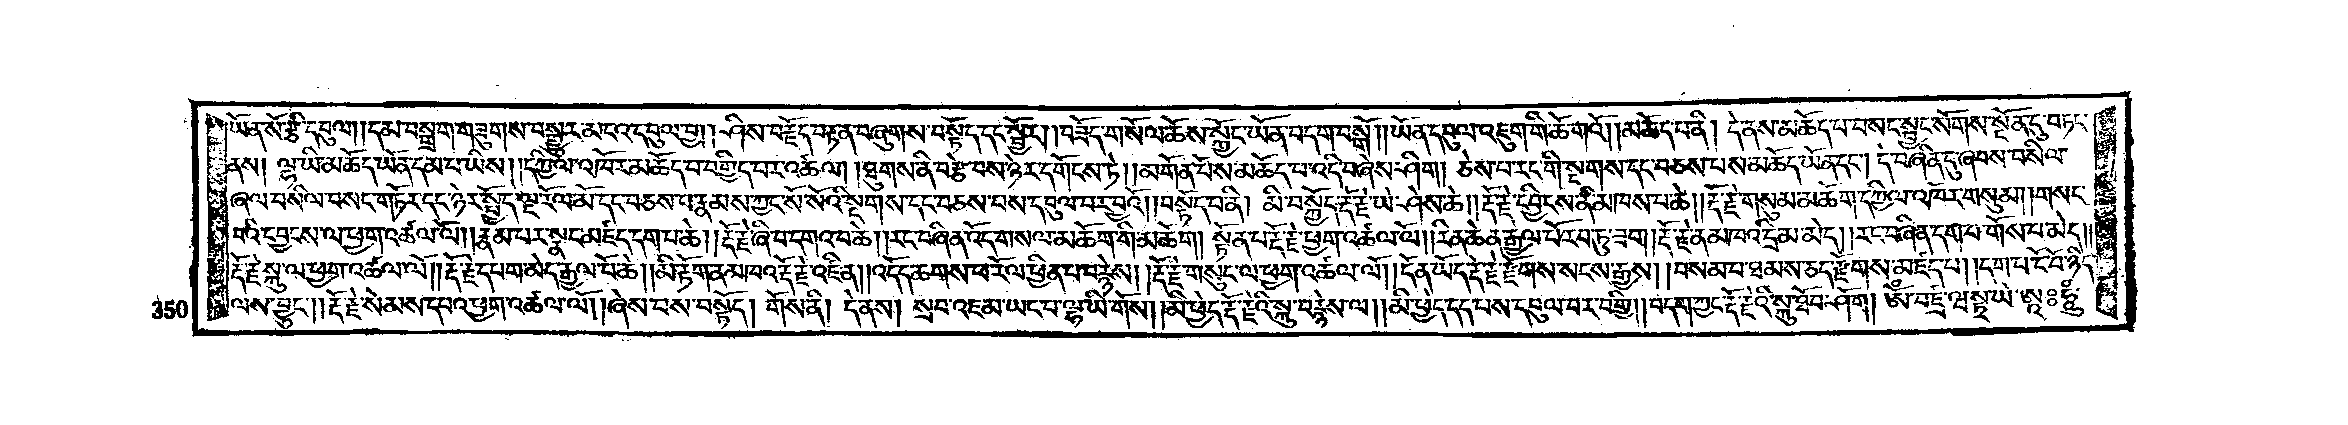ཡོན་སོ་རྩི་དབུལ། །དམ་བསྒྲག་གཟུགས་བསྒྱུར་མངའ་དབུལ་བྱ། །ཤིས་བརྗོད་བརྟན་བཞུགས་བསྟོད་དང་སྦྱོར། །བཟོད་གསོལ་ཆོས་སྐྱོང་ཡོན་བདག་བསྒོ། །ཡོན་དབུལ་འཇུག་གི་ཆོ་གའོ། །མཆོད་པ་ནི། དེ་ནས་མཆོད་པ་བསང་སྦྱང་སོགས་སྔོན་དུ་བཏང་
ནས། ལྷ་ཡི་མཆོད་ཡོན་དམ་པ་ཡིས། །དཀྱིལ་འཁོར་མཆོད་པ་བགྱིད་པར་འཚལ། །ཐུགས་ནི་བརྩེ་བས་ཉེར་དགོངས་ཏེ། །མགོན་པོས་མཆོད་པ་འདི་བཞེས་ཤིག །ཅེས་པ་རང་གི་སྔགས་དང་བཅས་པས་མཆོད་ཡོན་དང་། དེ་བཞིན་དུ་ཞབས་བསིལ་
ཞལ་བསིལ་བསང་གཏོར་དང་ཉེར་སྤྱོད་ལྔ་རོལ་མོ་དང་བཅས་པ་རྣམས་ཀྱང་སོ་སོའི་སྔགས་དང་བཅས་པས་དབུལ་བར་བྱའོ། །བསྟོད་པ་ནི། མི་བསྐྱོད་རྡོ་རྗེ་ཡེ་ཤེས་ཆེ། །རྡོ་རྗེ་དབྱིངས་ནི་མཁས་པ་ཆེ། །རྡོ་རྗེ་གསུམ་མཆོག་དཀྱིལ་འཁོར་གསུམ། །གསང་
བའི་དབྱངས་ལ་ཕྱག་འཚལ་ལོ། །རྣམ་པར་སྣང་མཛད་དག་པ་ཆེ། །རྡོ་རྗེ་ཞི་བ་དགའ་བ་ཆེ། །རང་བཞིན་འོད་གསལ་མཆོག་གི་མཆོག། སྟོན་པ་རྡོ་རྗེ་ཕྱག་འཚལ་ལོ། །རིན་ཆེན་རྒྱལ་པོ་རབ་ཏུ་ཟབ། །རྡོ་རྗེ་ནམ་མཁའ་དྲི་མ་མེད། །རང་བཞིན་དག་པ་གོས་པ་མེད། །
རྡོ་རྗེ་སྐུ་ལ་ཕྱག་འཚལ་ལོ། །རྡོ་རྗེ་དཔག་མེད་རྒྱལ་པོ་ཆེ། །མི་རྟོག་ནམ་མཁའ་རྡོ་རྗེ་འཛིན། །འདོད་ཆགས་ཕ་རོལ་ཕྱིན་པ་བརྙེས། །རྡོ་རྗེ་གསུང་ལ་ཕྱག་འཚལ་ལོ། །དོན་ཡོད་རྡོ་རྗེ་རྫོགས་སངས་རྒྱས། །བསམ་པ་ཐམས་ཅད་རྫོགས་མཛད་པ། །དག་པ་ངོ་བོ་ཉིད་
ལས་བྱུང་། །རྡོ་རྗེ་སེམས་དཔའ་ཕྱག་འཚལ་ལོ། །ཞེས་པས་བསྟོད། གོས་ནི། དེ་ནས། སྲབ་འཇམ་ཡང་པ་ལྷ་ཡི་གོས། །མི་ཕྱེད་རྡོ་རྗེའི་སྐུ་བརྙེས་ལ། །མི་ཕྱེད་དད་པས་དབུལ་བར་བགྱི། །བདག་ཀྱང་རྡོ་རྗེའི་སྐུ་ཐོབ་ཤོག །ཨོཾ་བཛྲ་ཝ་སྟྲ་ཡེ་ཨཱཿ ཧཱུཾ་